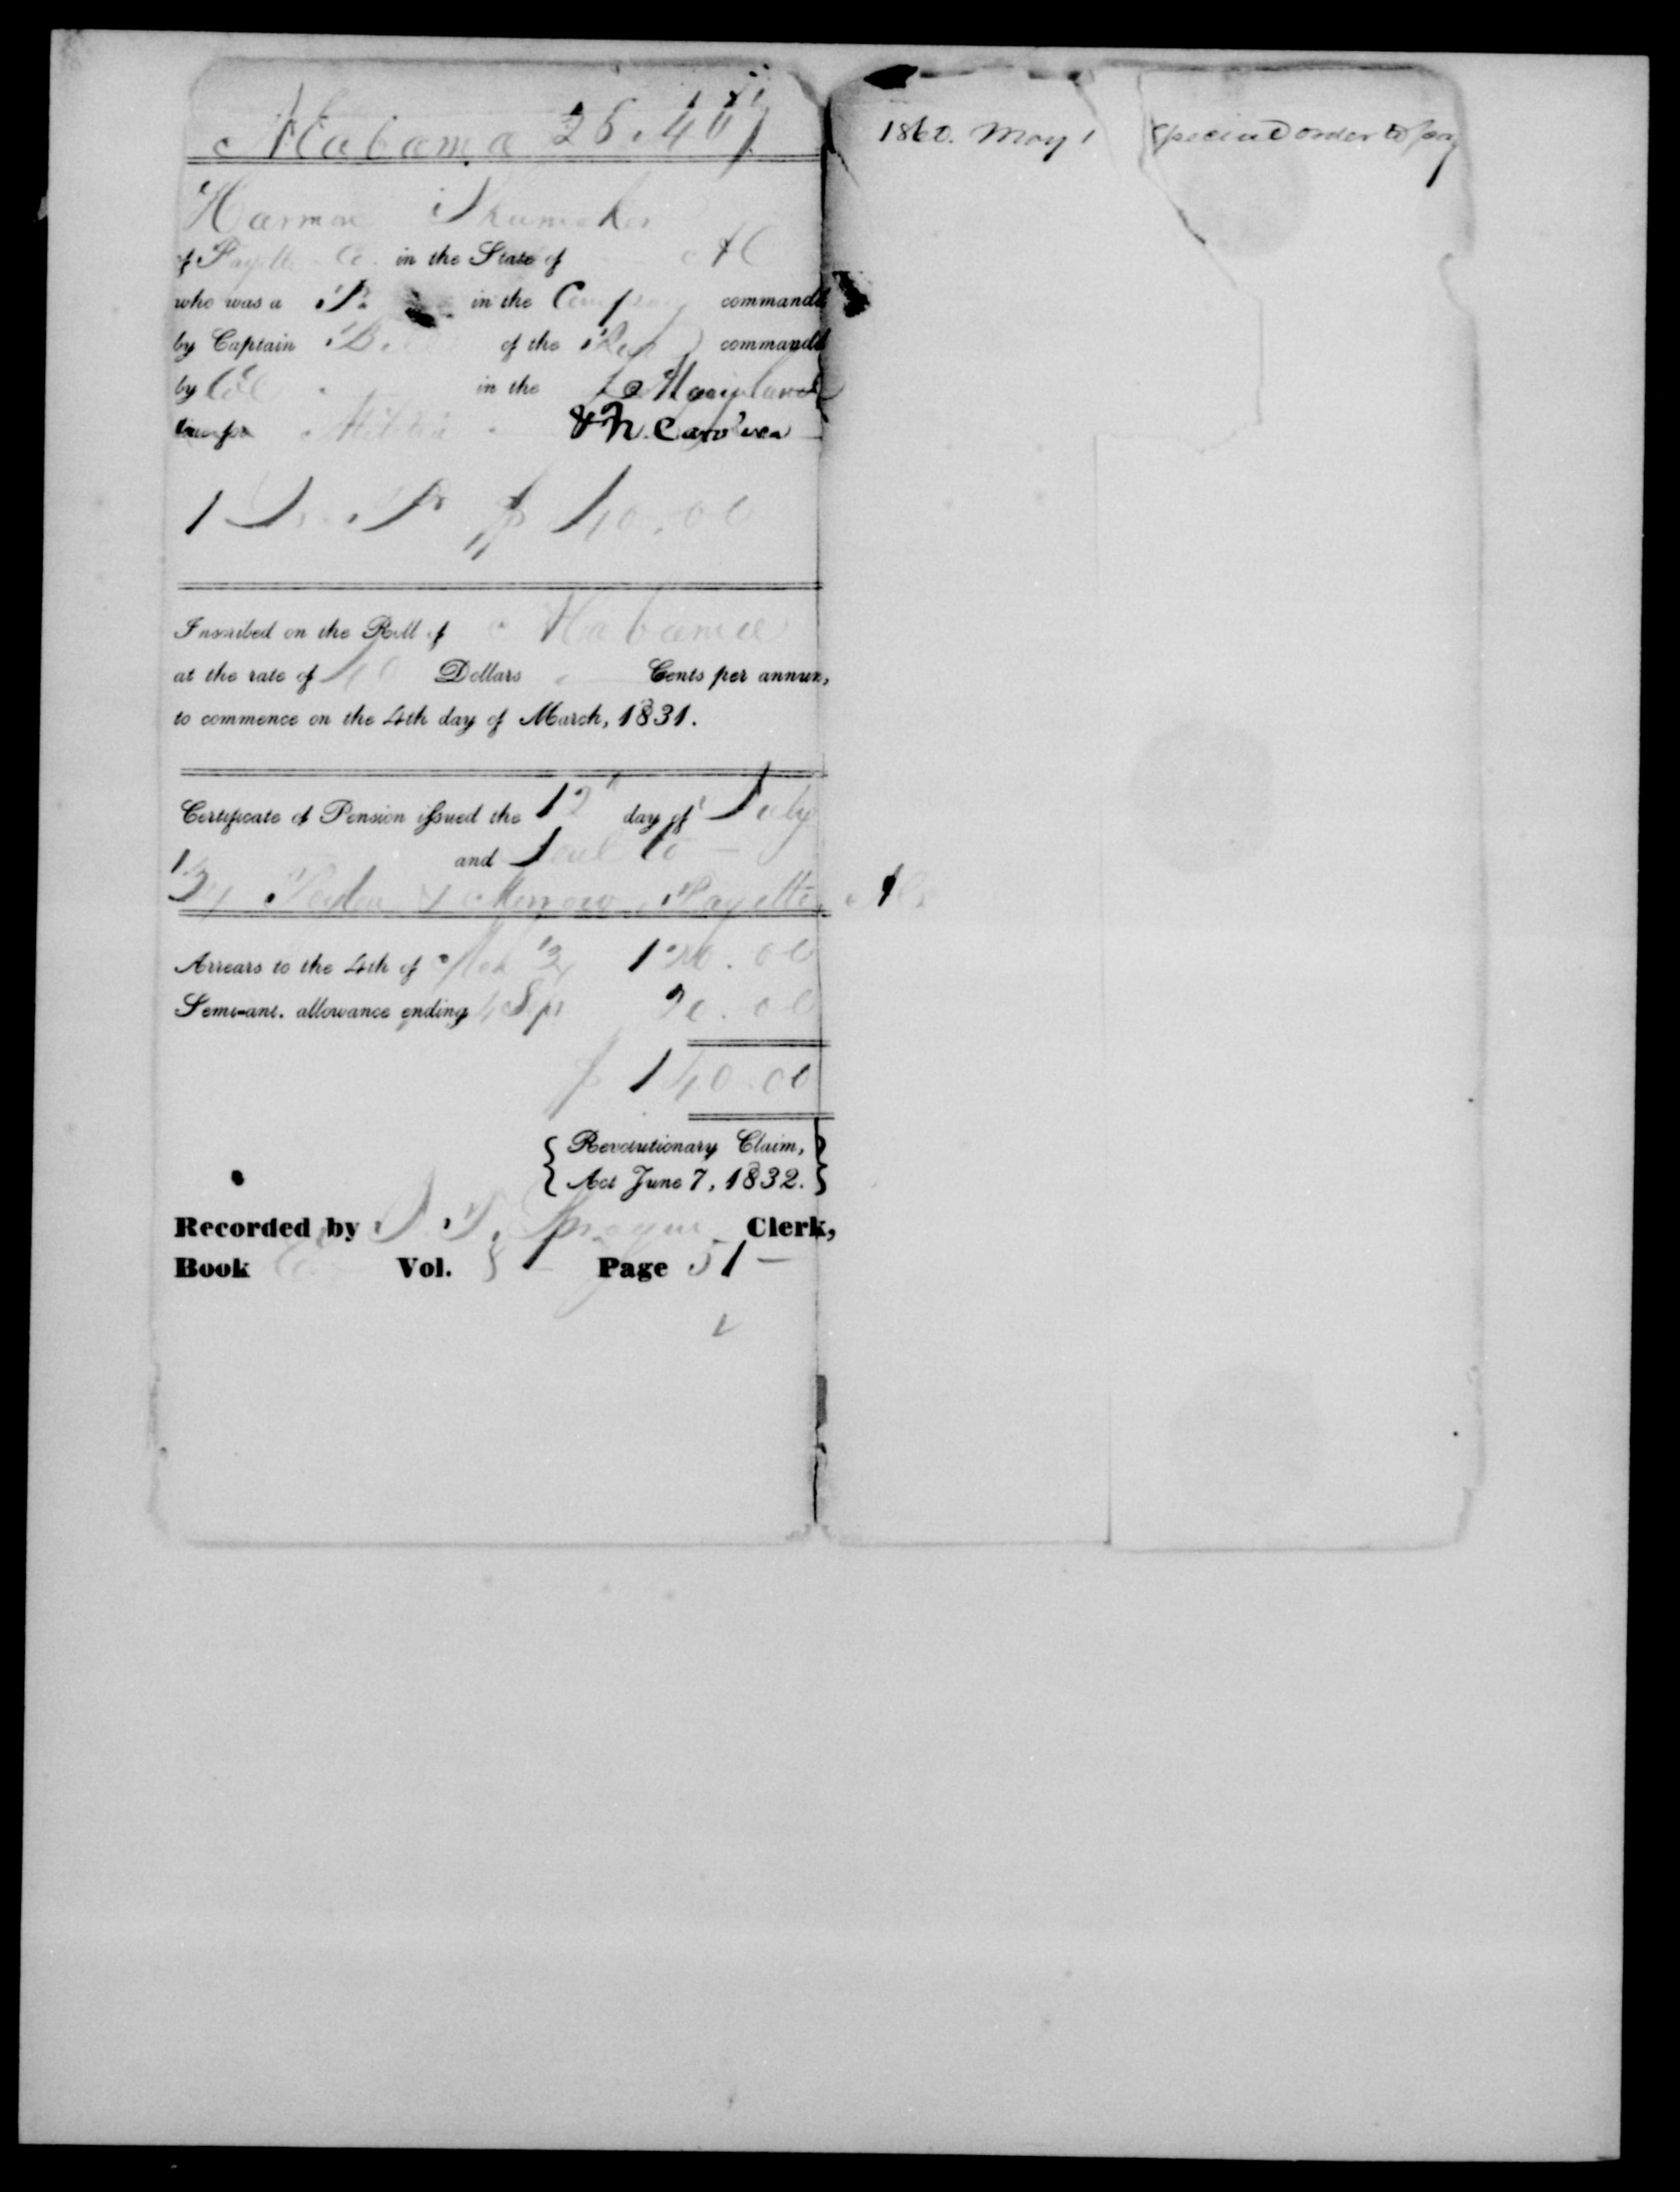Alabama 26,407
Harmon Shumaker
of Fayette Co. in the State of Al
who was a P in the Company commanded
by Captain Bell of the Regt common
by Col  in the Maryland
& N. Carolina
lines for Militia
[illegible] $40.00
Inscribed on the Roll of Alabama
at the rate of 40 Dollars --- Cents per annum,
to commence on the 4th day of March, 1831.
Certificate of Pension issued the 12 day of July
and sent to
[ilegible] Fayette Ala
Arrears to the 4th of Mch '34 120.00
Semi-anl. allowance ending 4 Sep 20.00
$140.00
Revolutionary Claim,
Act June 7, 1832.
Recorded by J. T. Sprague Clerk,
Book   Vol. 8   Page 51
1860 May 1 Special order to pay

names: J T Sprague; [BLANK] Bell; Harmon Shumaker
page: 2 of 20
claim: survivor's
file: S. 32512, for Harmon Shumaker, Maryland